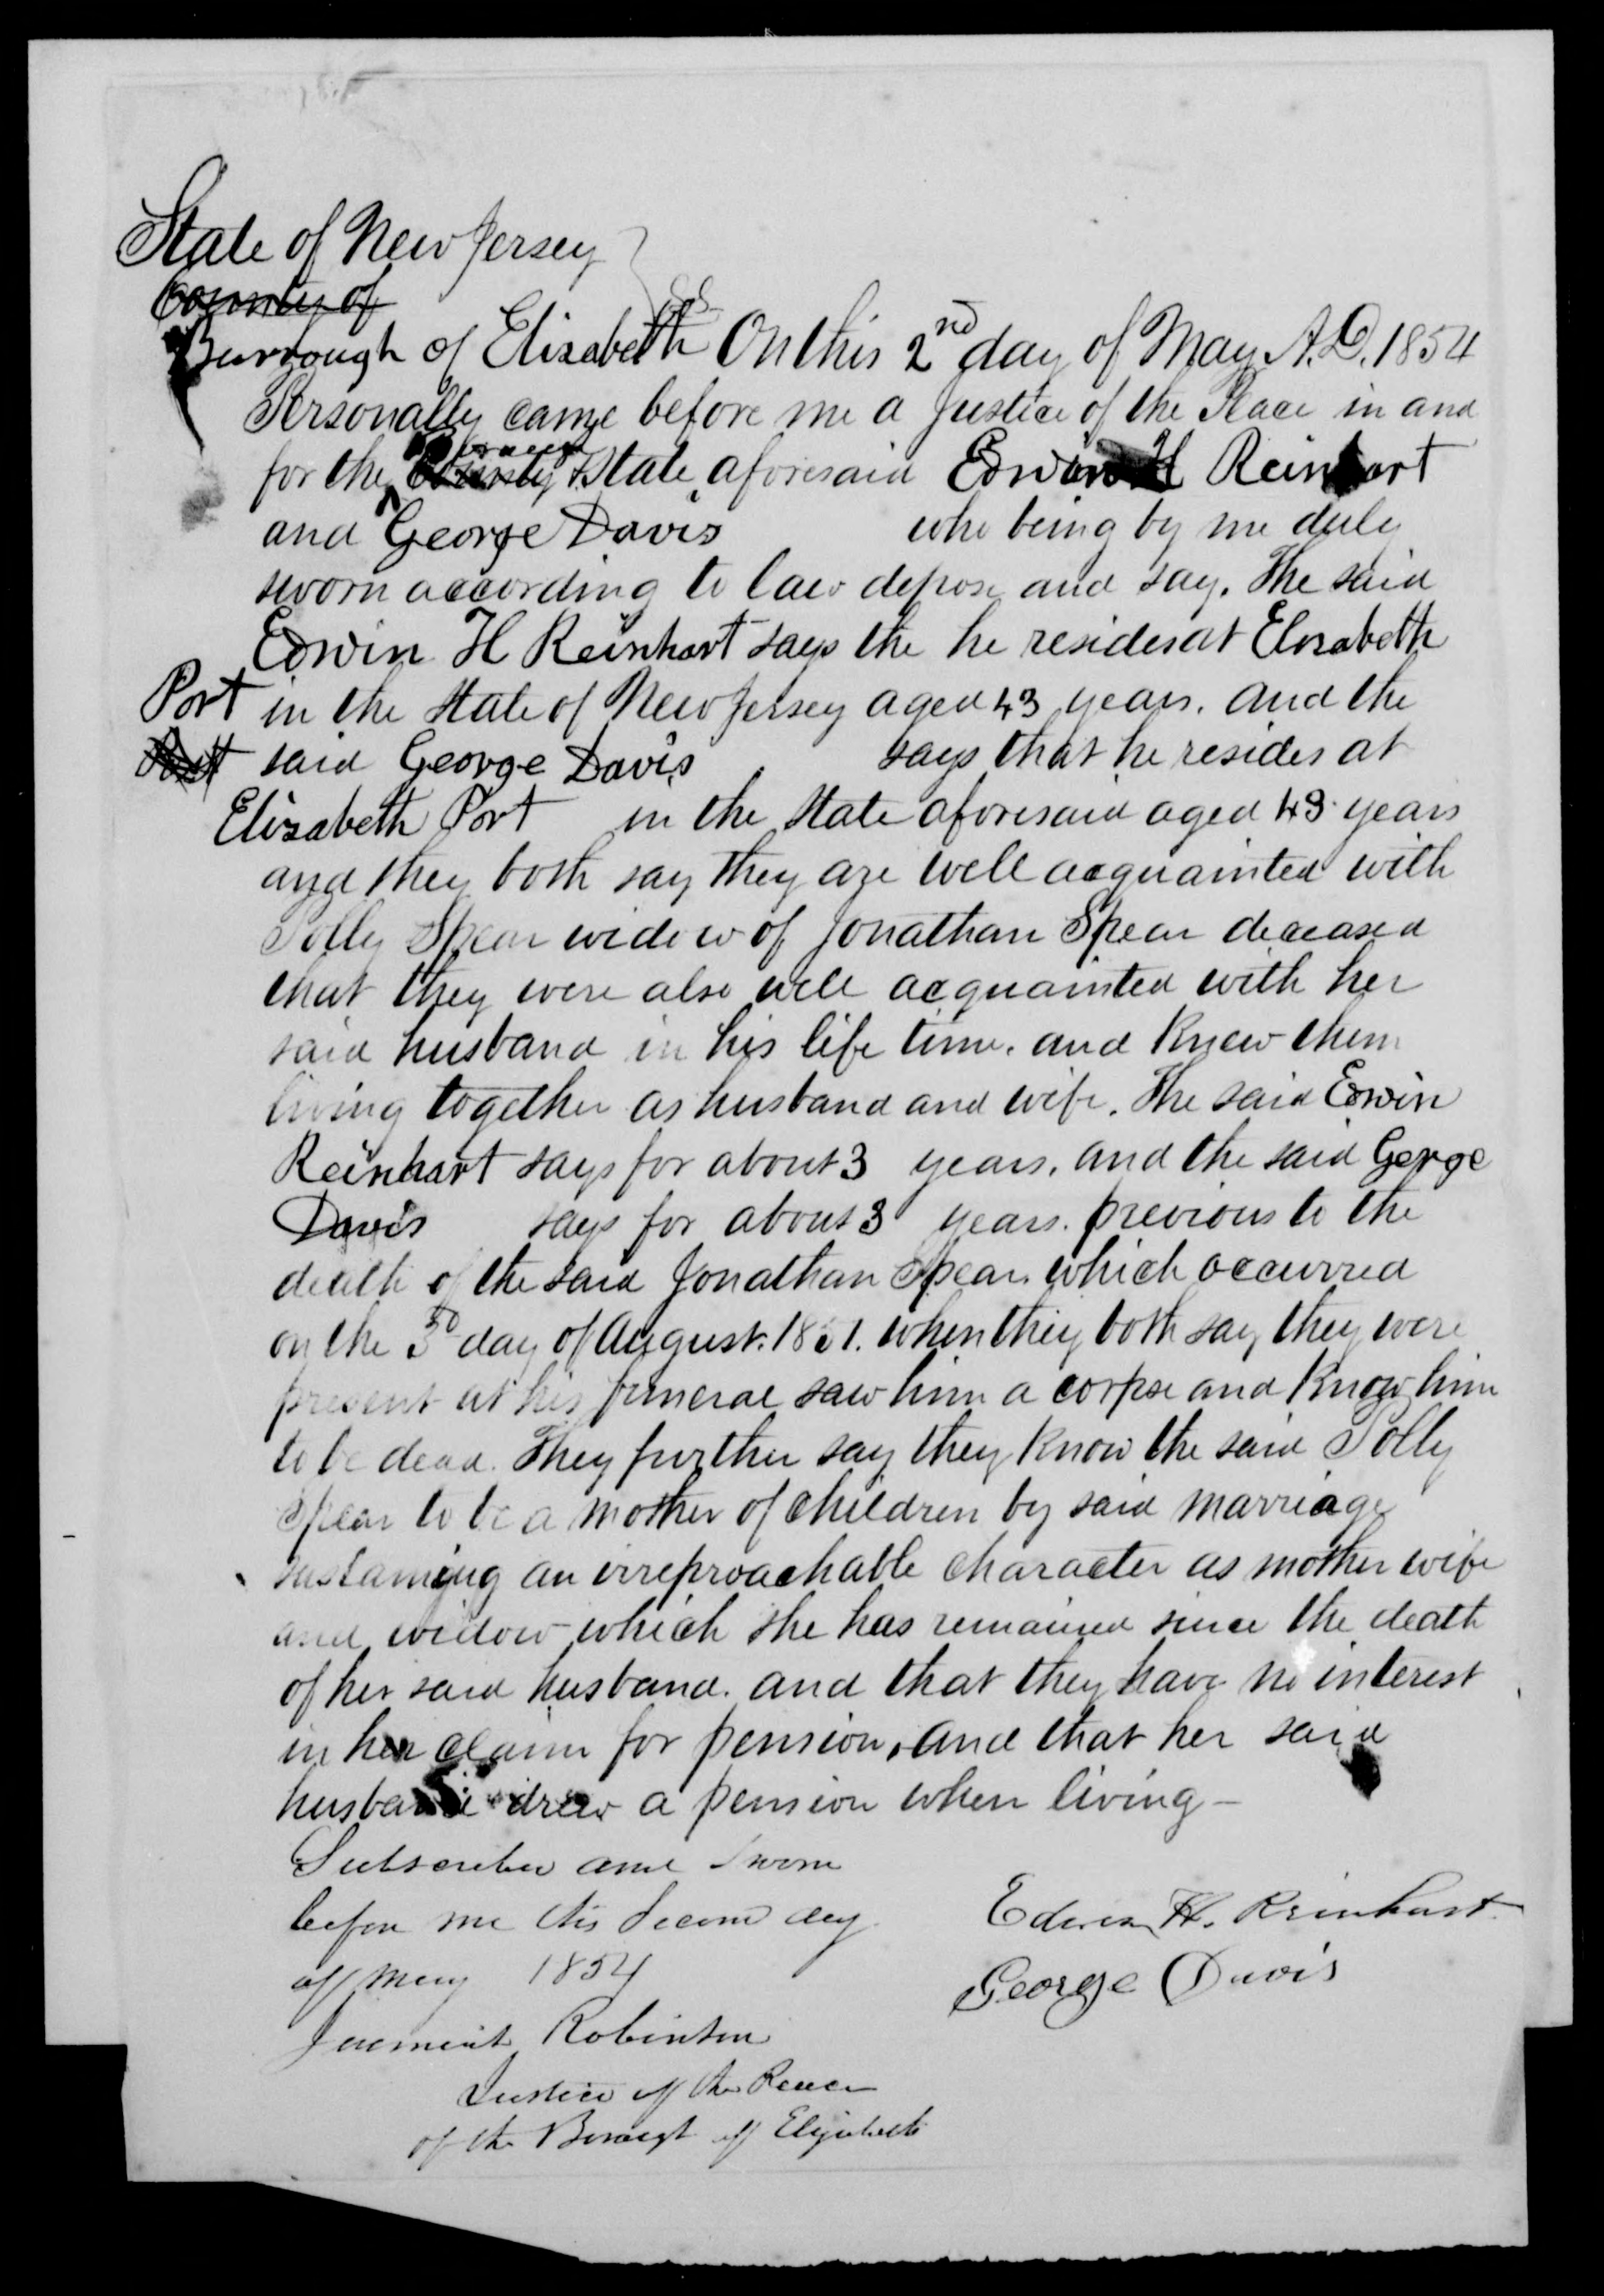State of New Jersey
['County of' crossed out] Burrough of Elisabeth} ss On this 2nd day of May A.D. 1854 Personally came before me a Justice of the Peace in and for the ['County' crossed out] Burrough & state aforesaid Edwin H. Reinhart and George Davis who being by me duly sworn according to law depose and say, The said Edwin H. Reinhart says the he resides at Elisabeth Port ['Port' crossed out] in the State of New Jersey aged 43 years, and the said George Davis says that he resides at Elisabeth Port in the state aforesaid aged 43 years and they both say they are  well acquainted with Polly Spear widow of Jonathan Spear deceased they they were also well acquainted with her said husband in his life time, and knew them living together as husband and wife. The said Edwin Reinhart says for about 3 years, and the said George Davis says for about 3 years previous to the death of the said Jonathan Spear which occurred on the 3d day of August. 1851. when they both say they were present at his funeral saw him a corpse and know him to be dead. They further say they know the said Polly Spear to be a mother of children by said marriage sustaining an irreproachable character as mother wife and widow - which she has remained since the death of her said husband, and that they have no interest in her claim for pension, and that her said husband drew a pension when living - d
/s/Edwin H. Reinhart
/s/George Davis
Subscribed and Sworn before me this Second day of May 1854
/s/Jeremiah Robinson Justice of the Peace of the Borough of Elizabeth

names: Edwin H Reinhart; George Davis; Polly Spear; Edwin H Reinhart; Edwin Reinhart; Polly Spear; Jonathan Spear; Jonathan Spear; Gerge Davis; George Davis; George Davis; Edwin H Reinhart; Jeremiah Robinson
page: 59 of 65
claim: widow's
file: W. 7197, for Jonathan Spear, Vermont